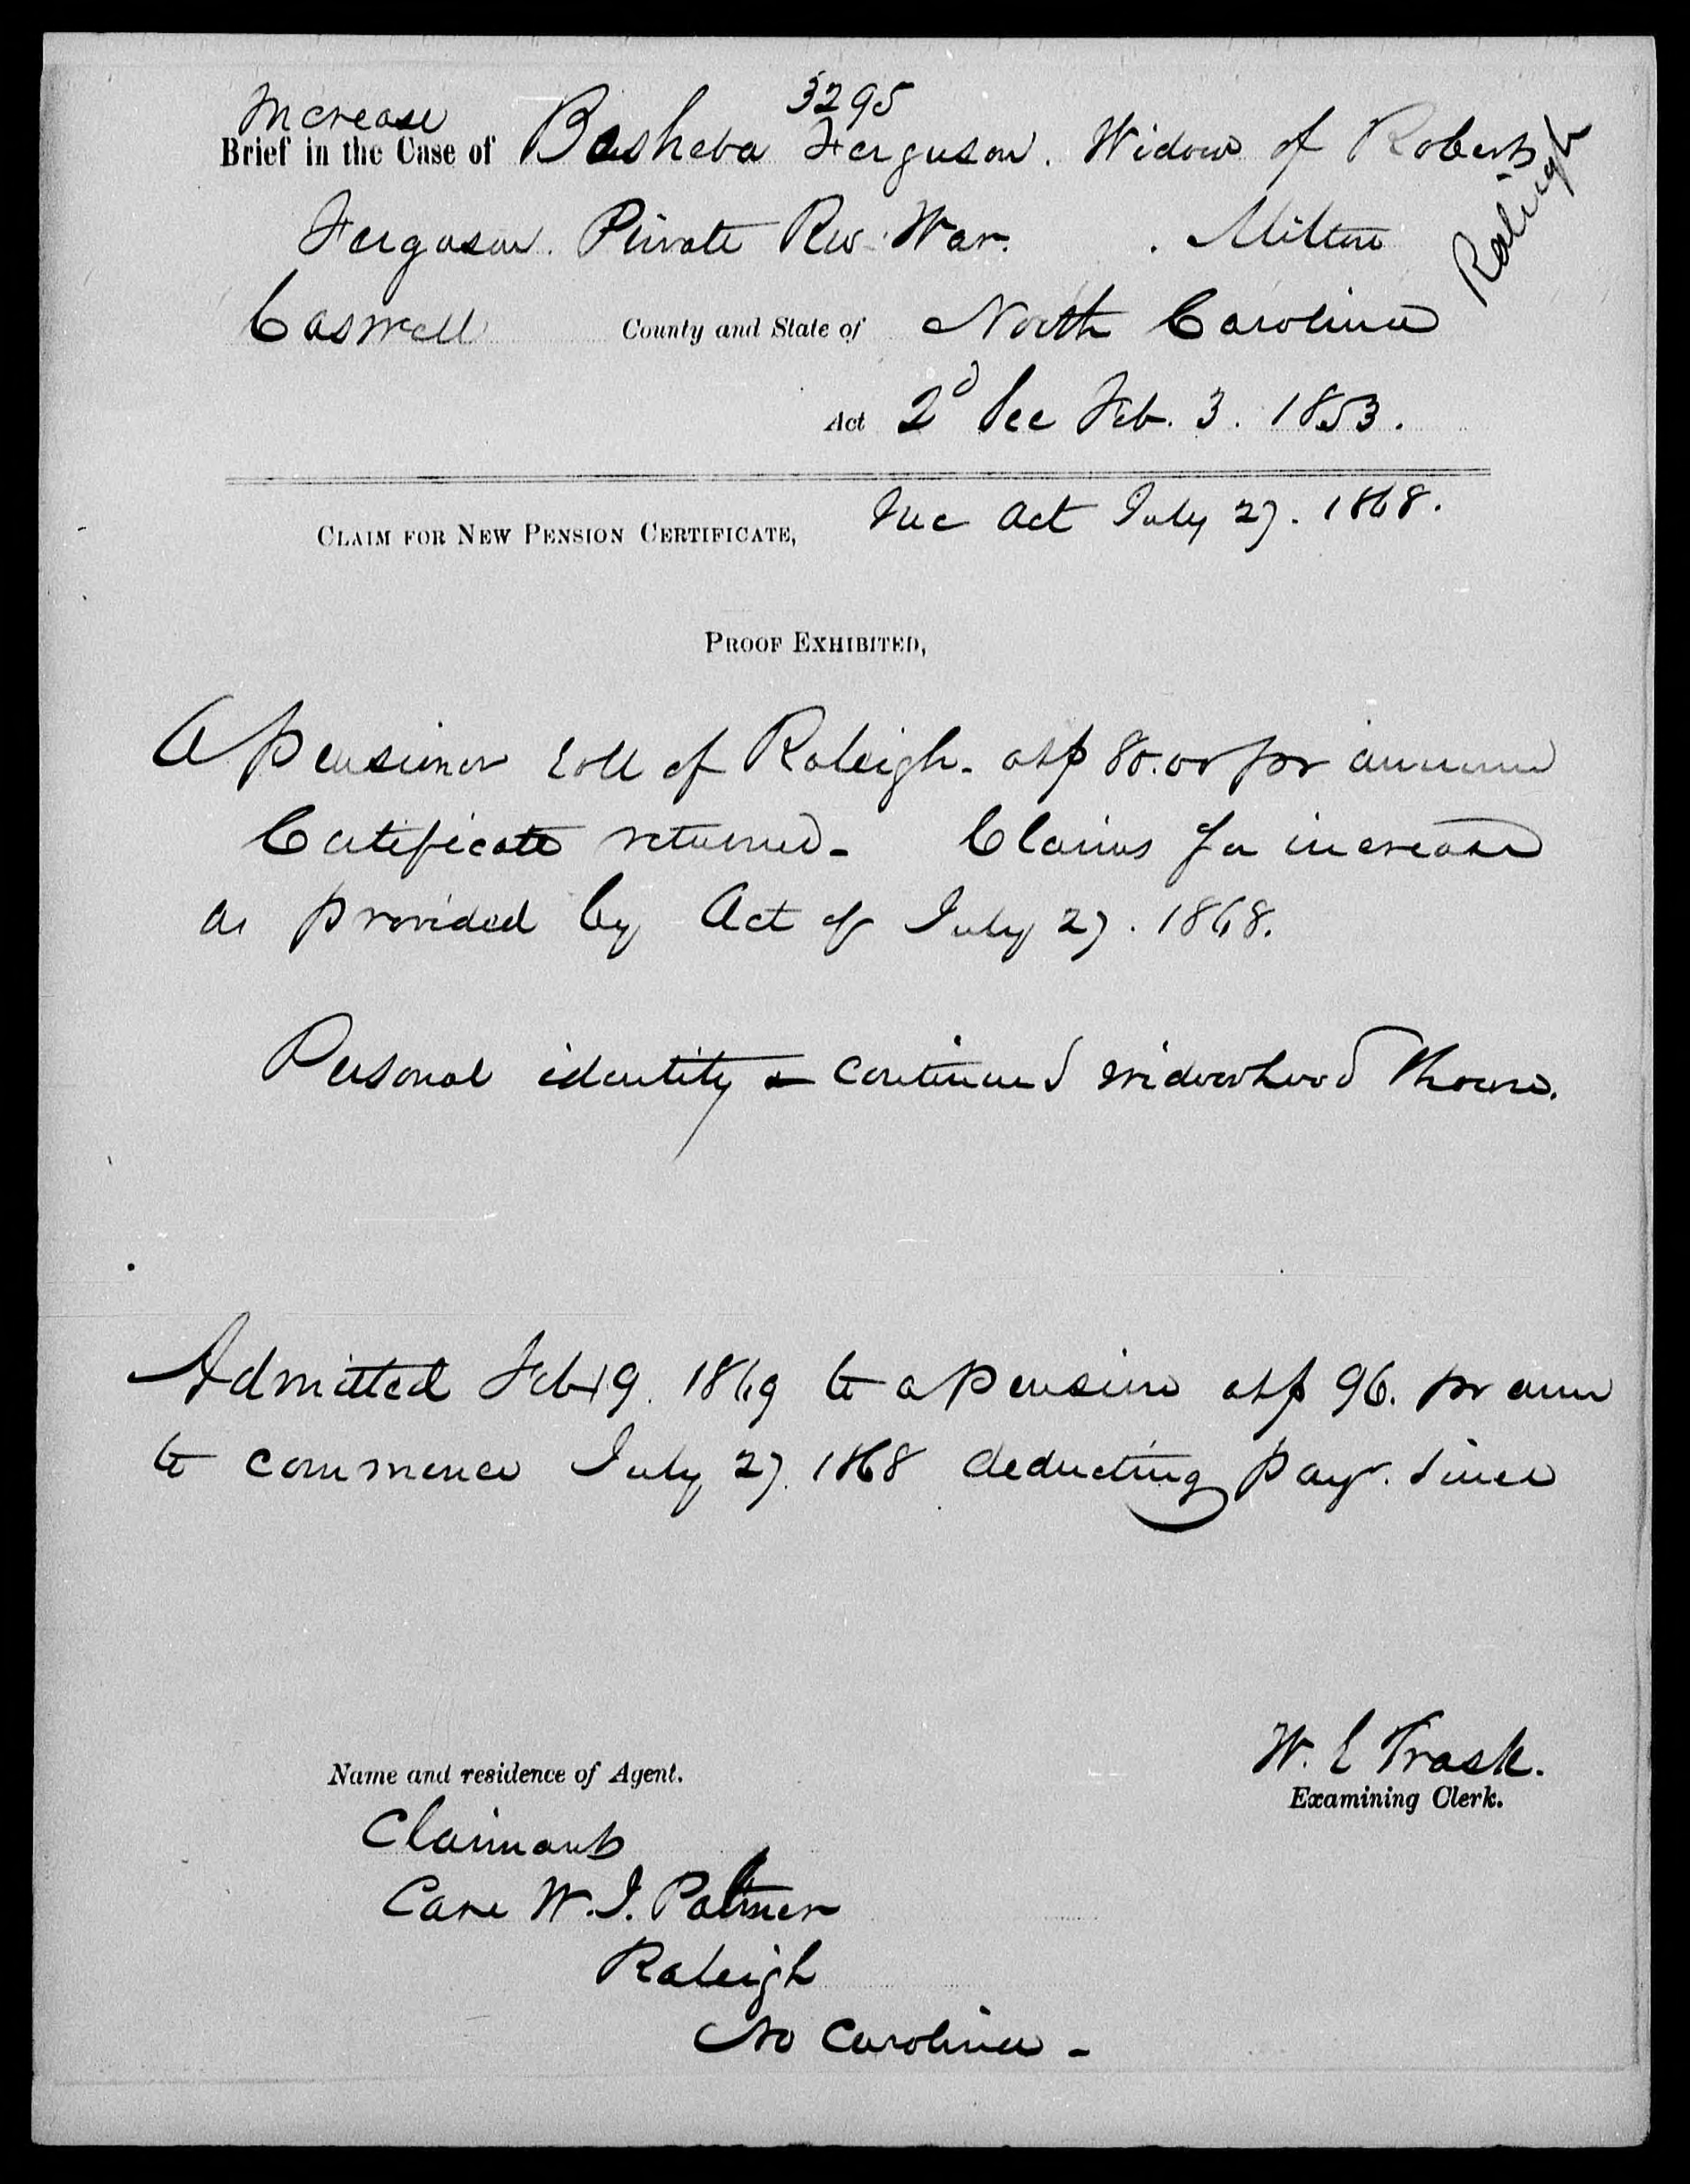3295
^Increase
Brief in the case of Besheba Ferguson
Widow of Robert Ferguson,  Private Rev. [revolutionary] War Militia
^Raleigh
Caswell County and State of North Carolina
Act 2d [2nd] Sec Feb. 3, 1853.
CLAIM FOR NEW PENSION CERTIFICATE,
Sec Act July 27, 1868
PROOF EXHIBITED,
A pensioner roll of Raleigh at $80.00 per annum
Certificate returned.
Claims for increase as
provided by act of July 27, 1868.
Personal identity as continued widowhood [illegible].
Admitted Feb 19. 1869 to a pension at $96 per annum 
to commence July 27, 1868 deducting pay since
Name and residence of Agent.
Claimant
Care W.J. Palmer
Raleigh
No Carolina-
W. E. Trask
Examining Clerk.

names: W J Palmer, Robert Ferguson, Besheba Ferguson, W E Trask, Milton Caswell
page: 42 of 81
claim: widow's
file: W. 7262, Robert Ferguson, Va.